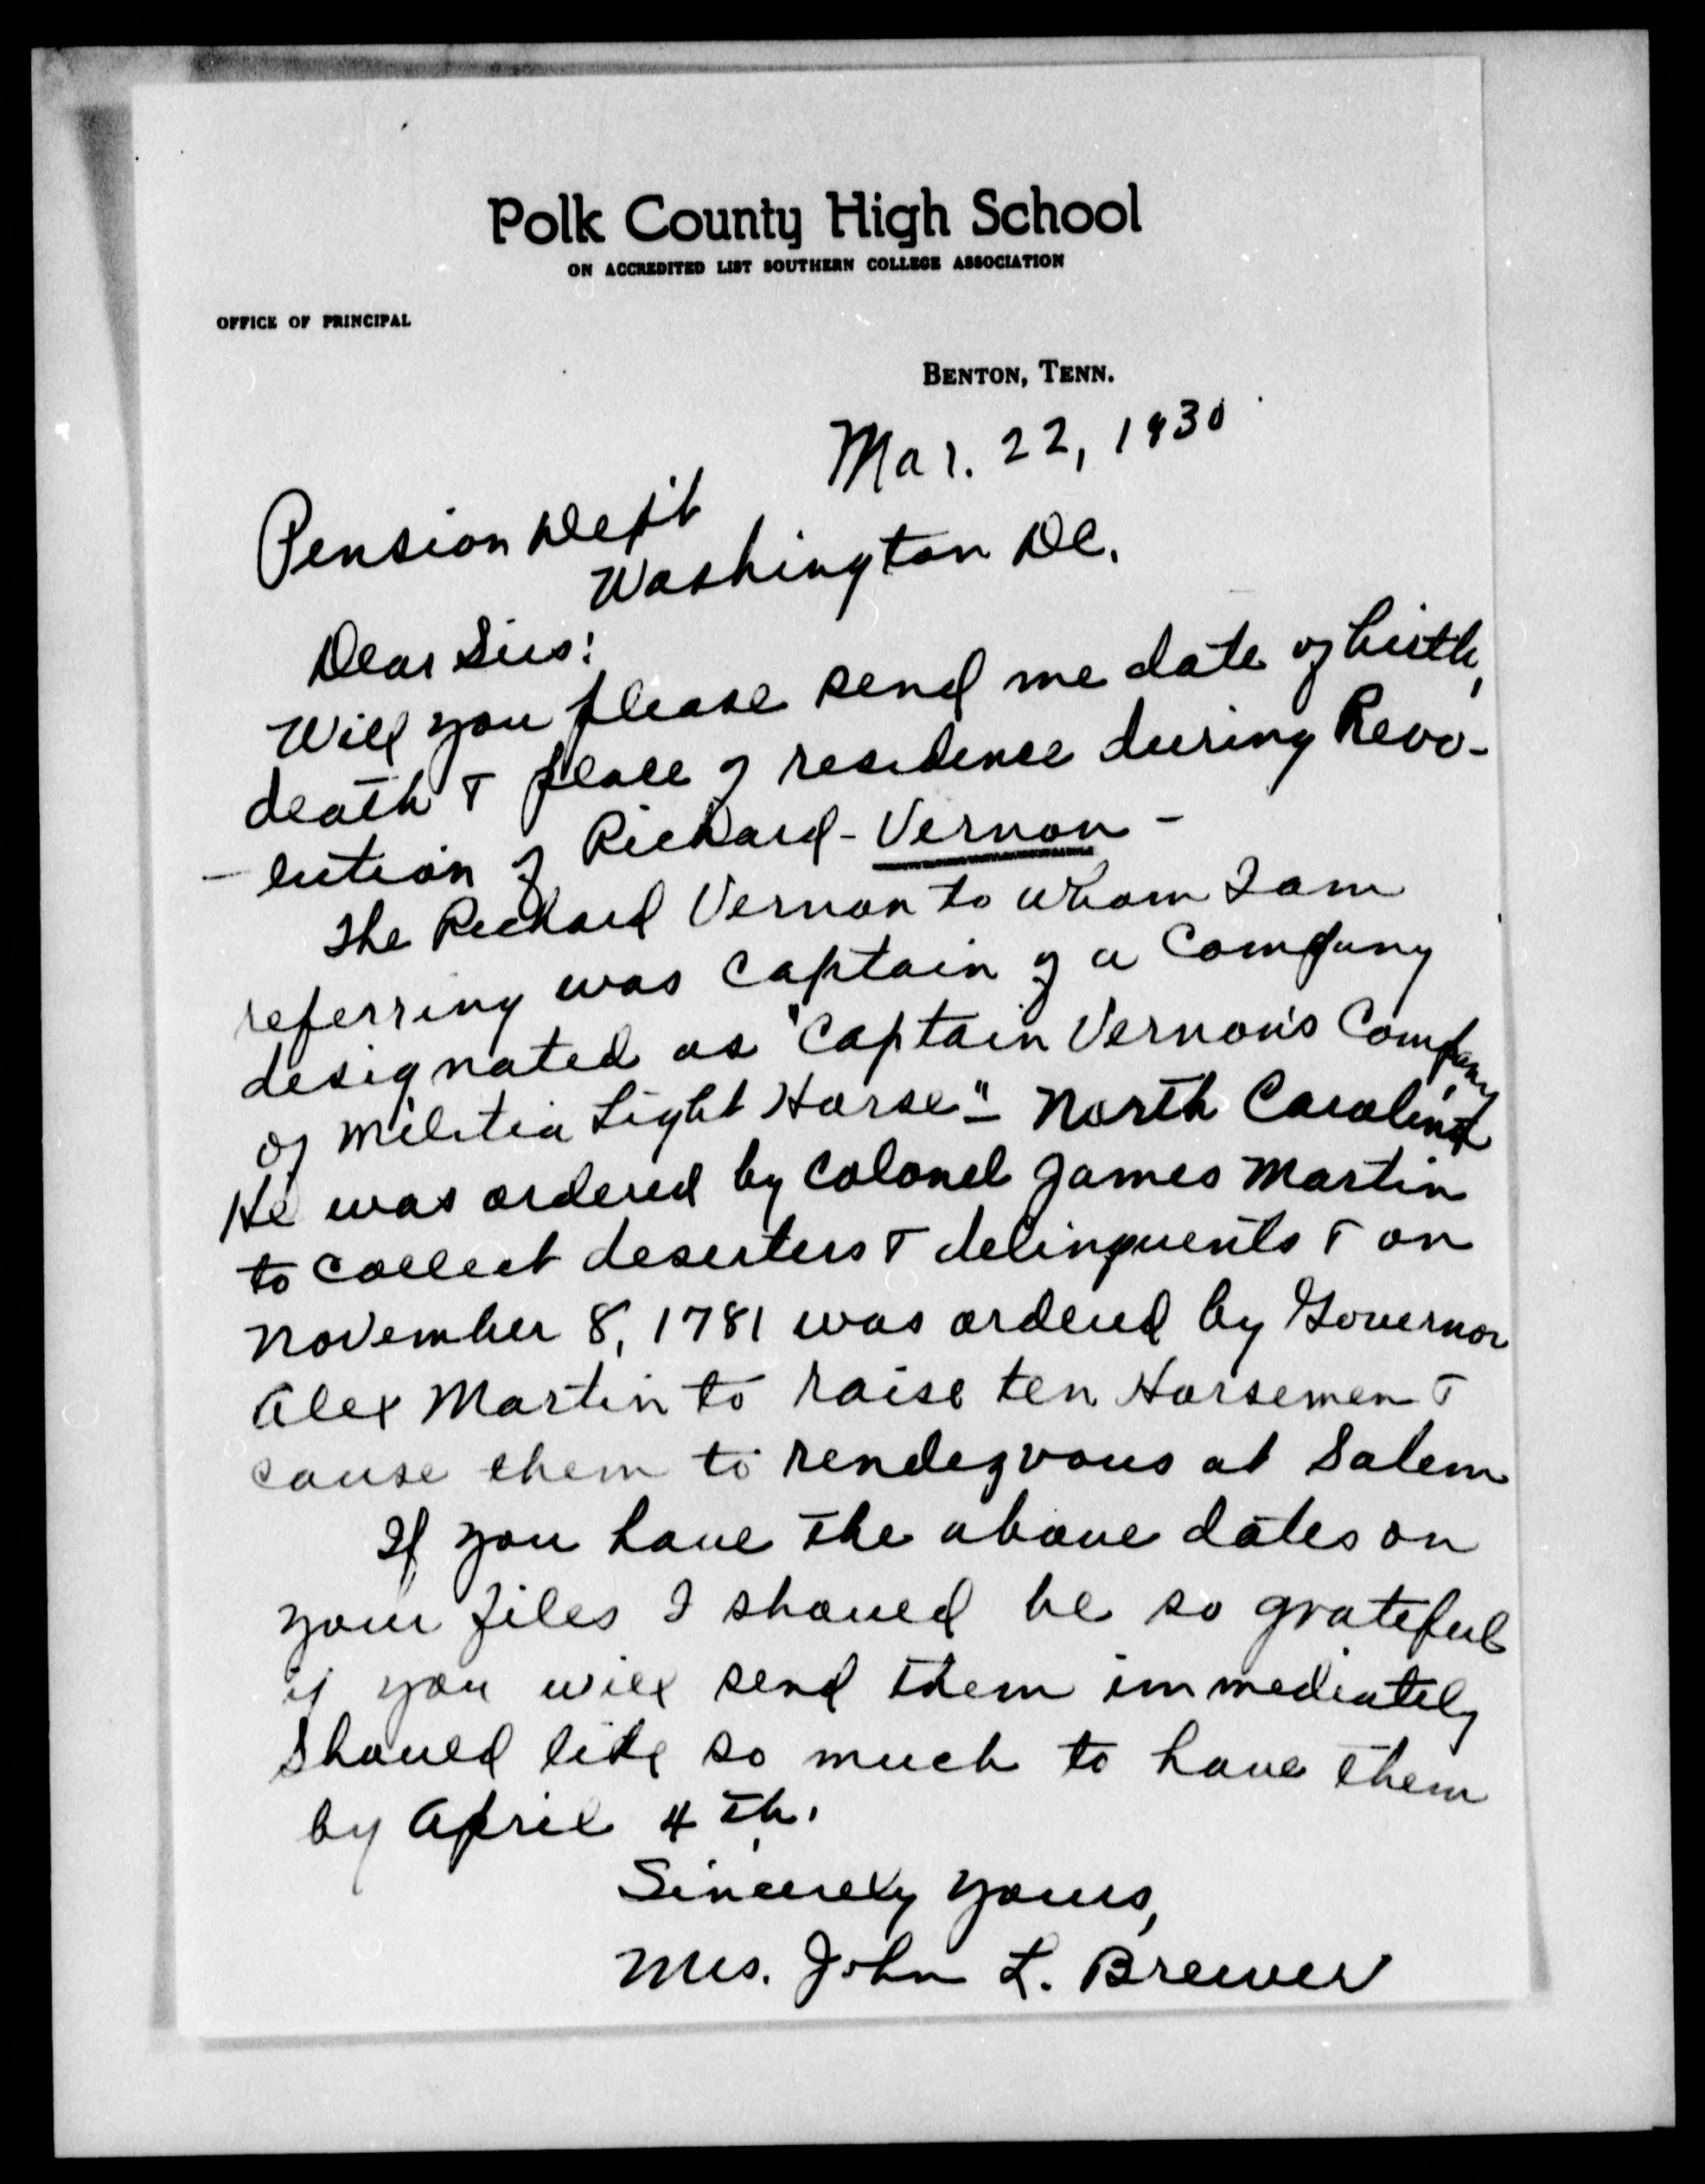Polk County High School
ON ACCREDITED LIST SOUTHERN COLLEGE ASSOCIATION
OFFICE OF PRINCIPAL
BENTON, TENN.

March 22, 1930

Pension Dept. 
Washington DC

Dear Sirs: -
Will you please send me date of birth, death & place of residence during Revolution of Richard Vernon.
The Richard Vernon to whom I am referring was Captain of a Company designated as “Captain Vernon's Company of Militia Light Horse” – North Carolina. He was ordered by Colonel James Martin to collect deserters & delinquents & on November 8, 1781 he was ordered by the Governor Alex Martin to raise ten Horsemen & cause them to rendezvous at Salem. If you have the above dates on your files I should be so grateful if you will send them immediately Should like so much to have them by April 4th.
Sincerely yours,
Mrs. John L. Brewer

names: John L Brewer, Richard Vernon, Richard Vernon, James Martin, Alex Martin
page: 93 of 105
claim: survivor's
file: S. 1883, Richard Vernon, N.C.